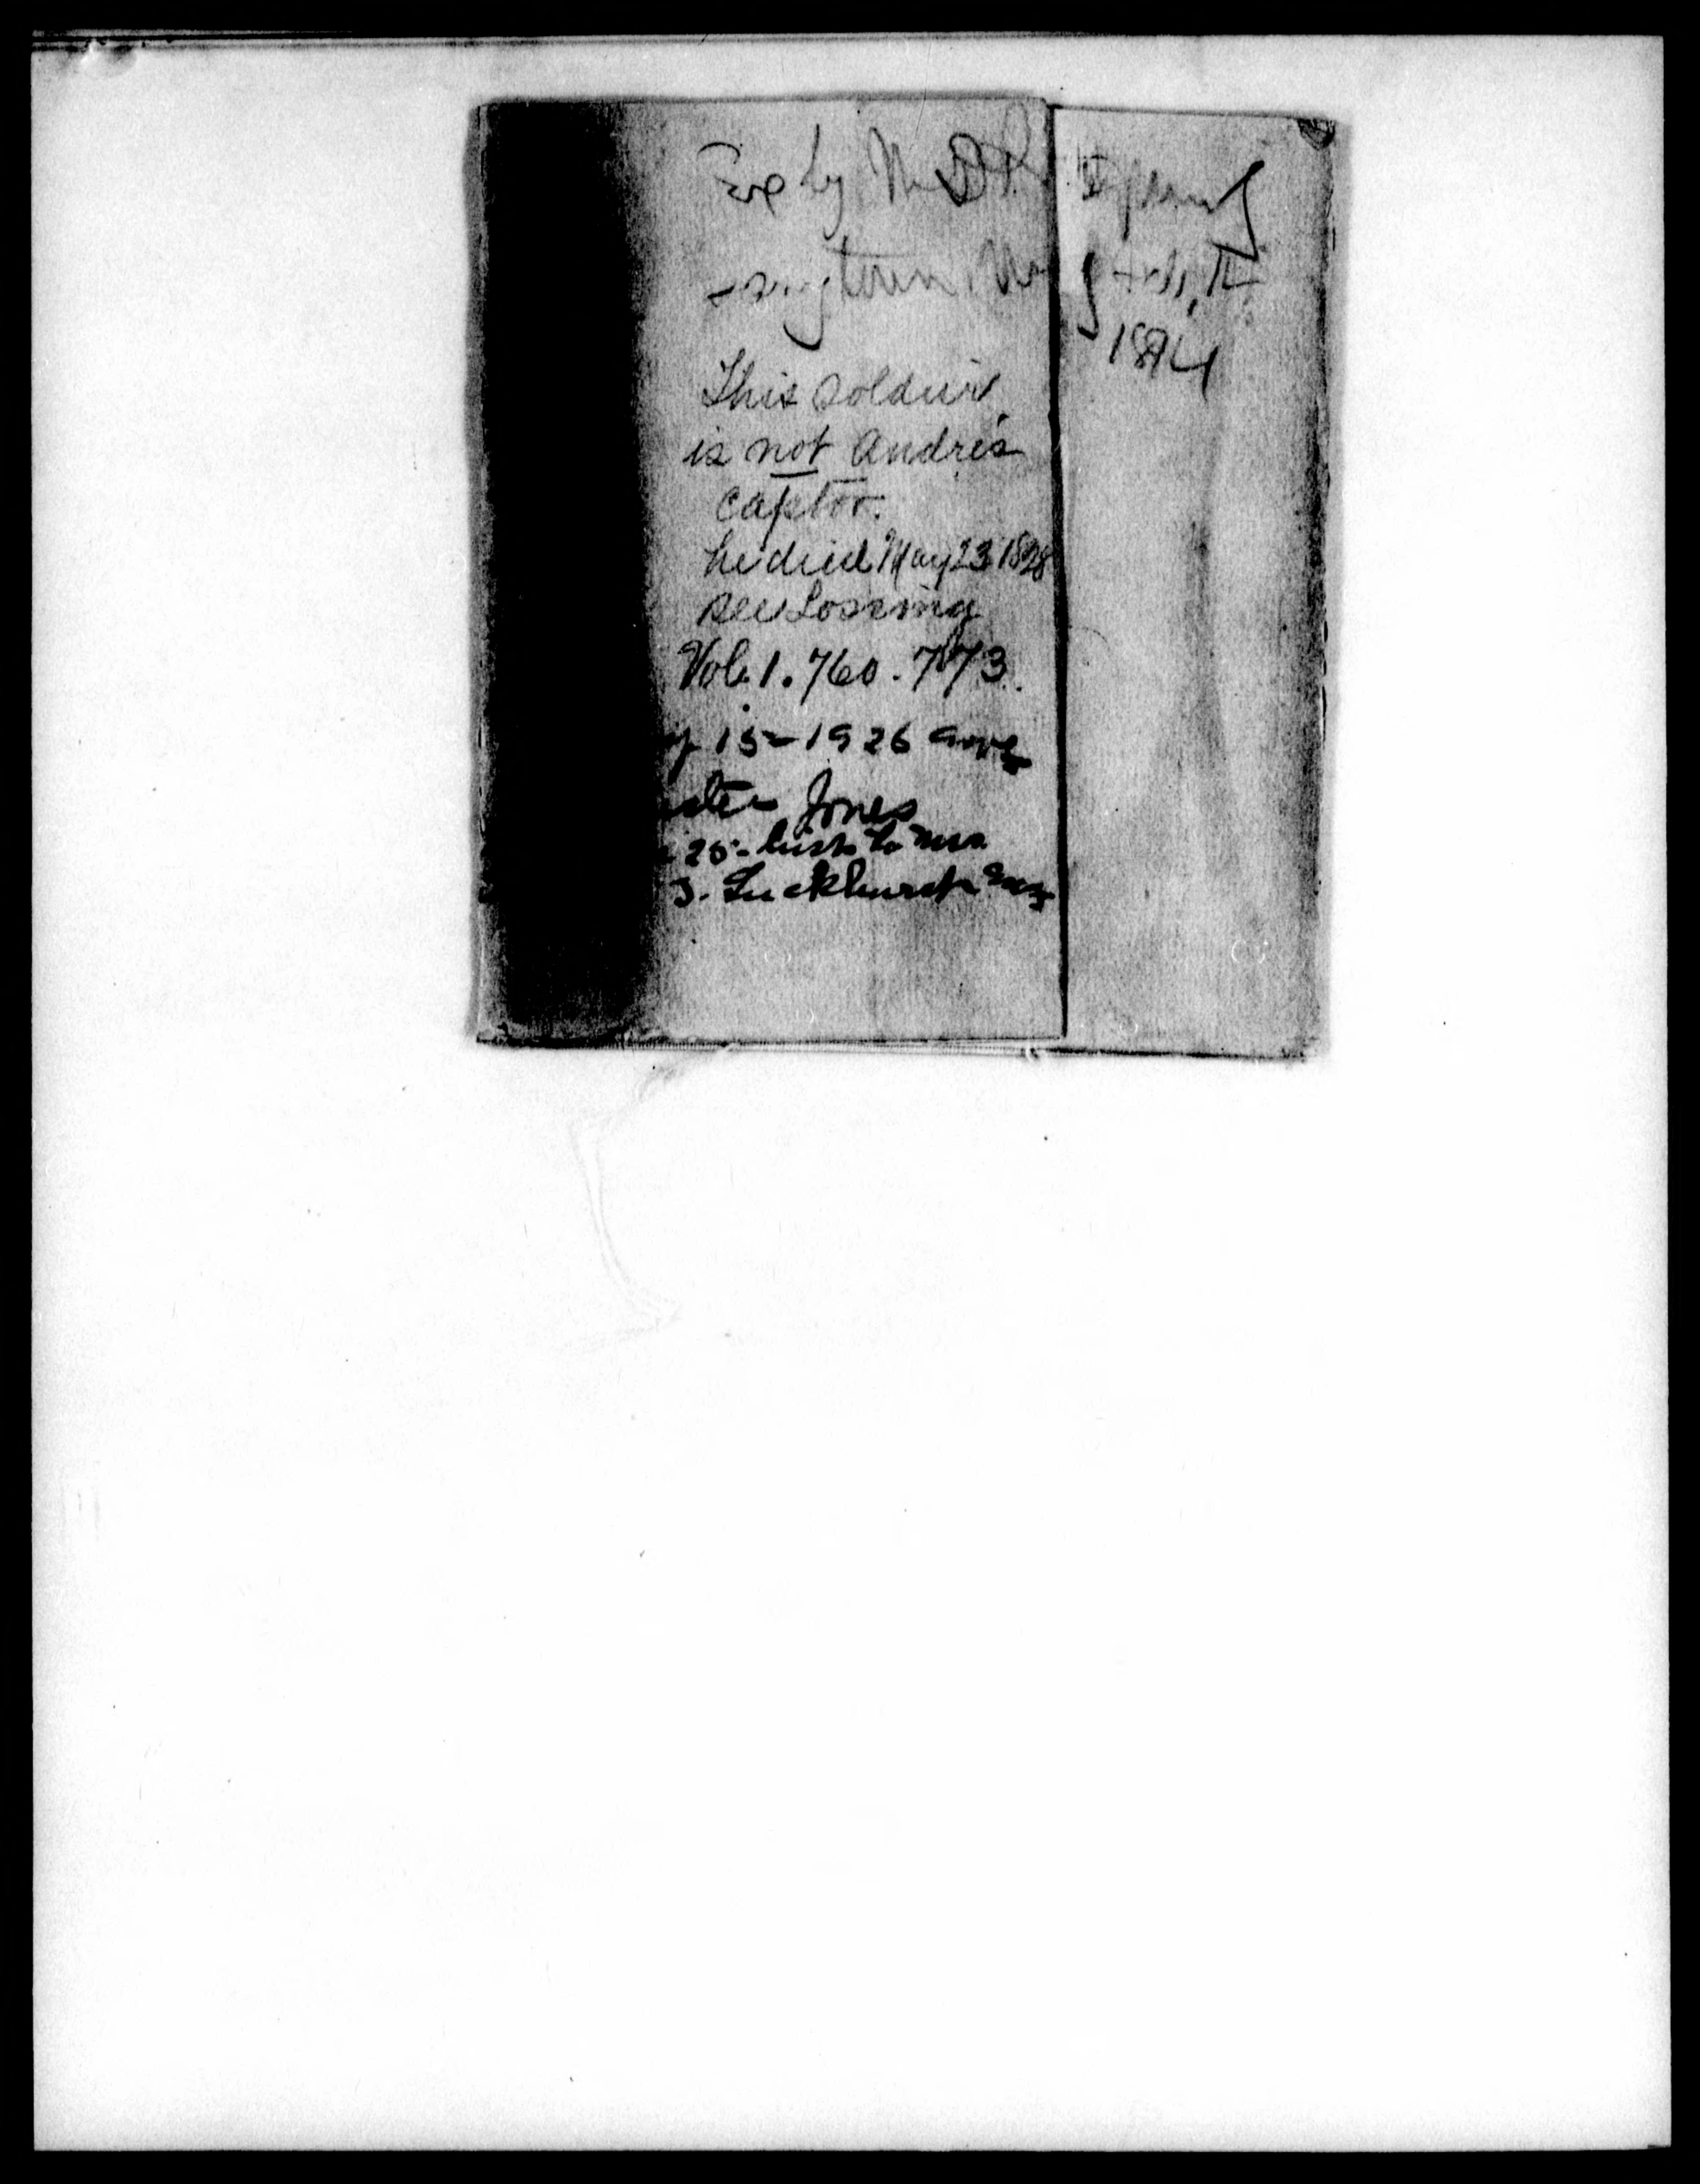Exp by [illegible]
Tarrytown, NY [illegible] 1894
This soldier is not Andre’s captor.  he died May 23 1828 see Lossing Vol 1. 760.773.
[illegible] 15 – 1926 and [illegible]ster Jones
[illegible] 25 – hist to Mrs J. Luckhurst Esq.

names: C T Luckhurst, Lester Jones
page: 42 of 102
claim: widow's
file: W. 18239, Isaac Van Wart, New York